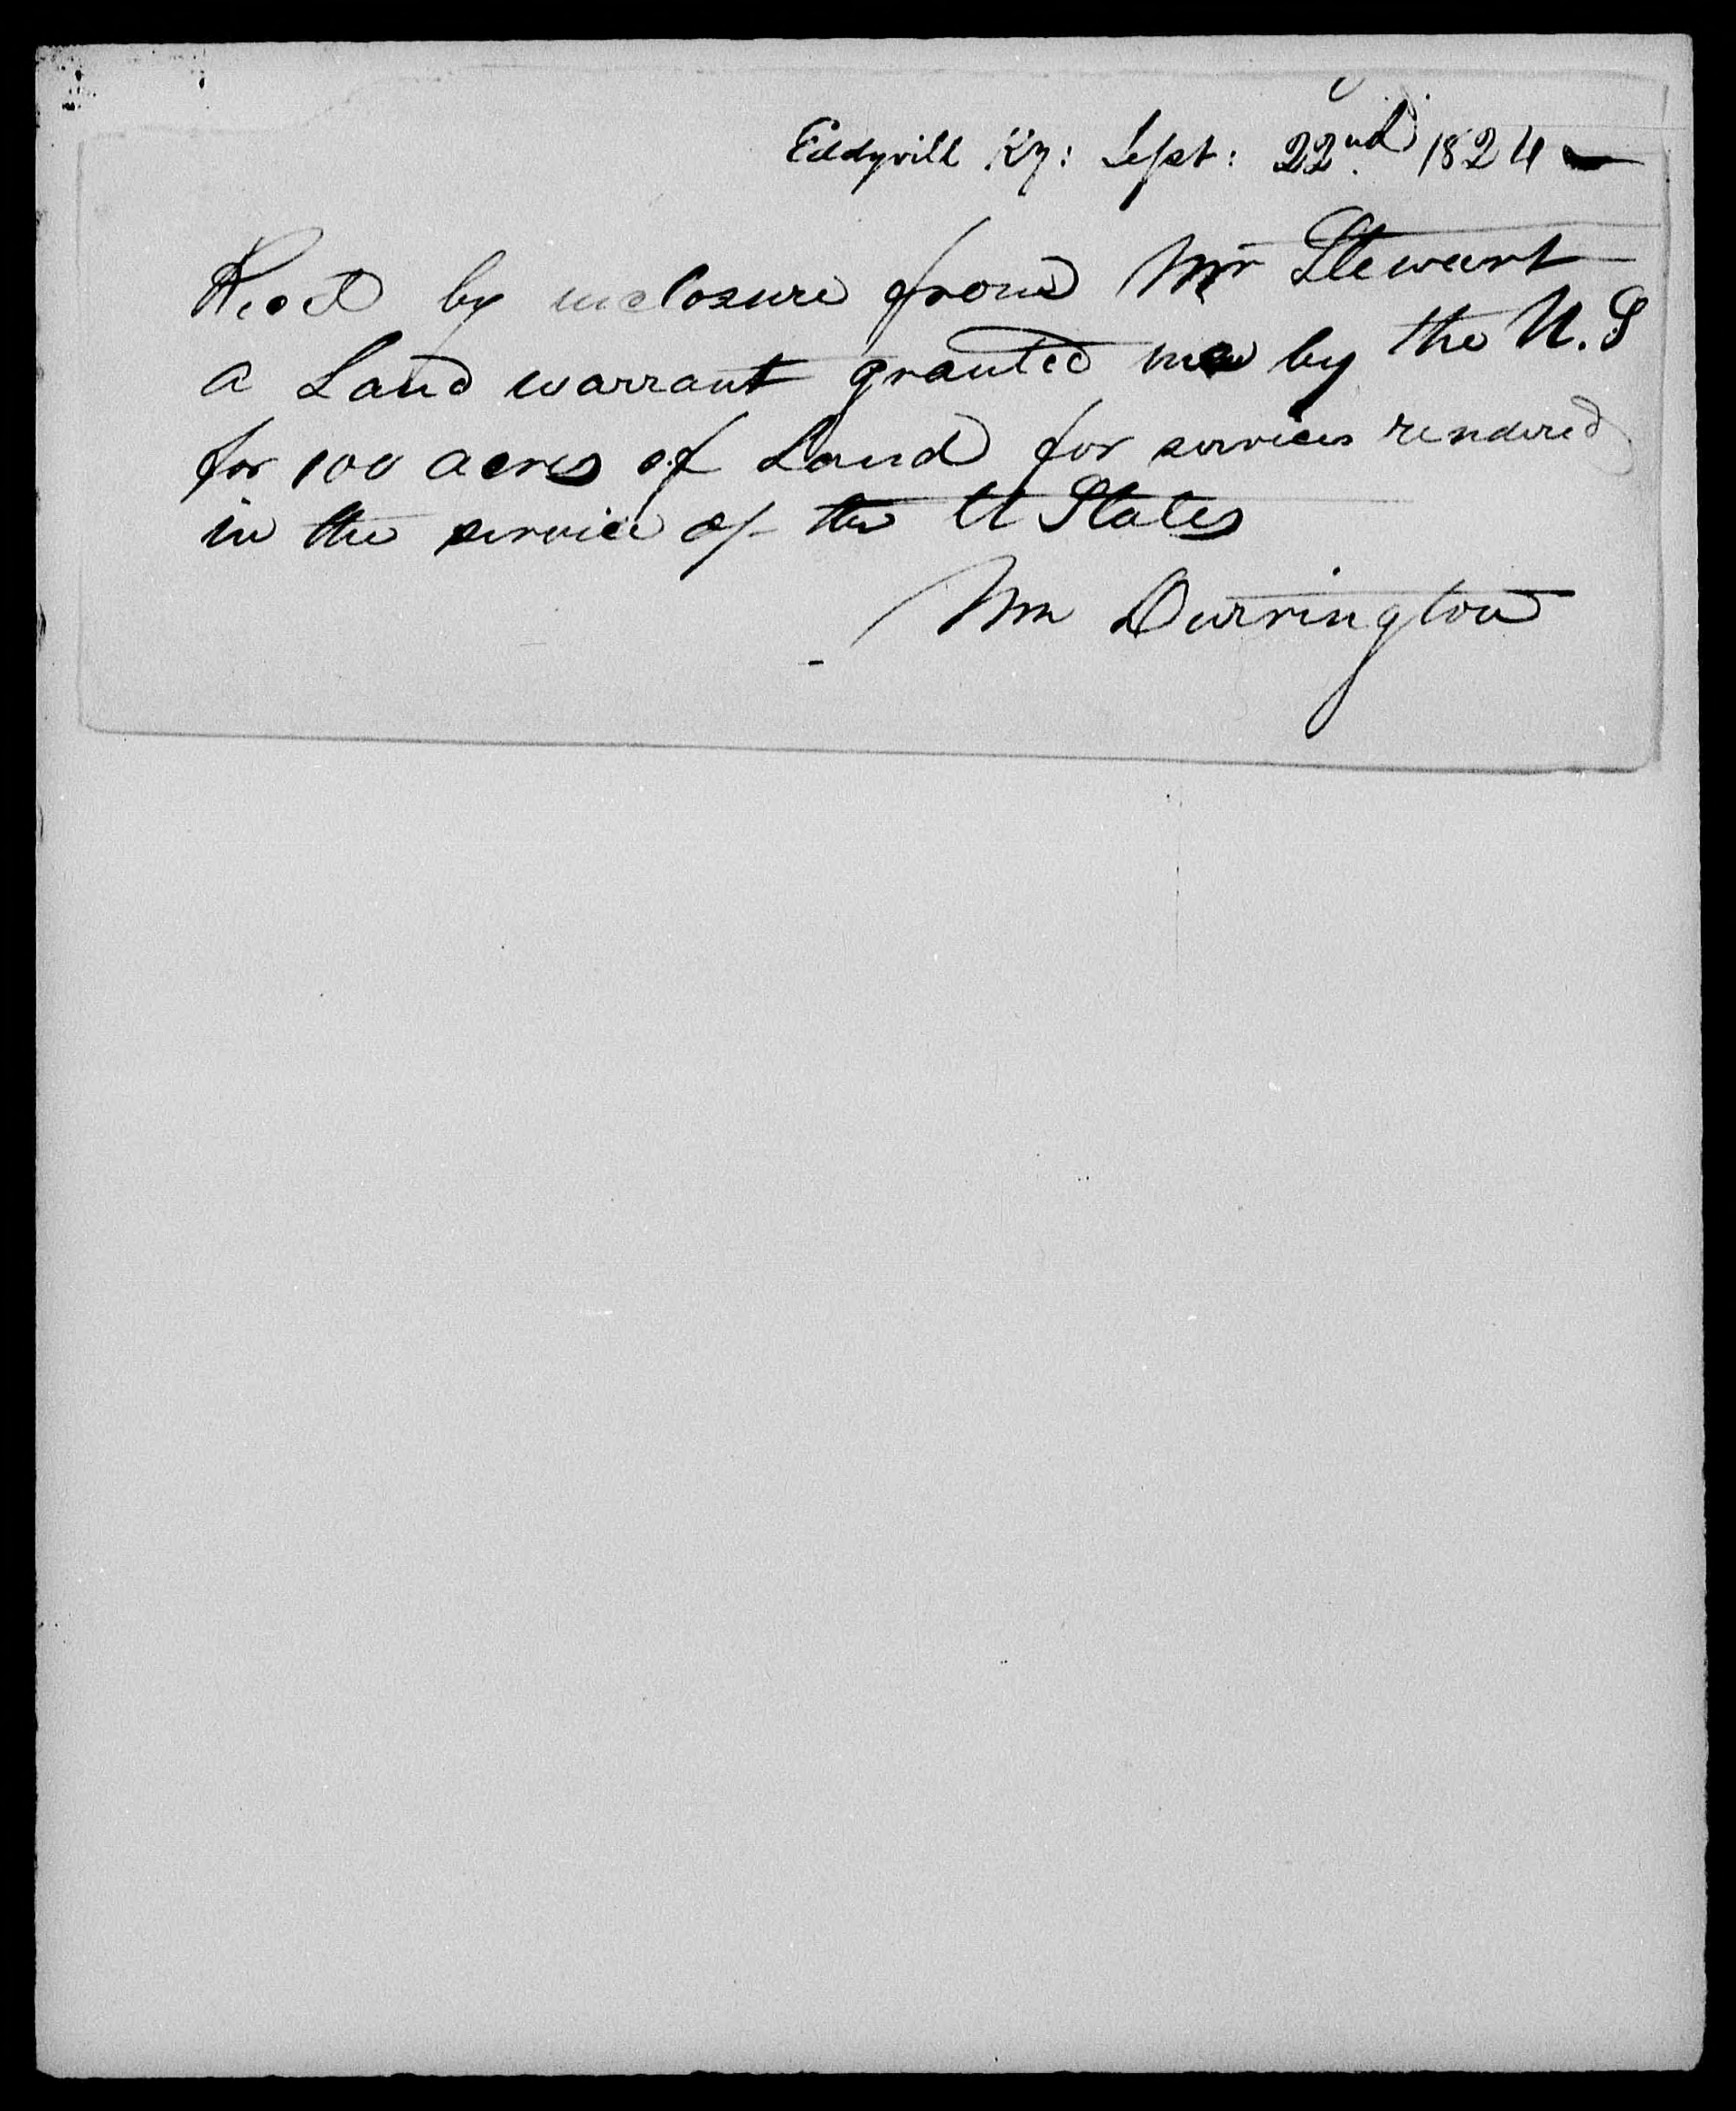Eddyvill Ky:  Sept. 22nd 182[illegible]
Road by enclosure from Mr Stewart a Land warrant granted me by the US for 100 acres of Land for services rendered in the service of the U States 

Wm Durnington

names: Stewart, Wm Durrington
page: 34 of 51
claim: widow's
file: W. 27,409, William Dunnington, Md.